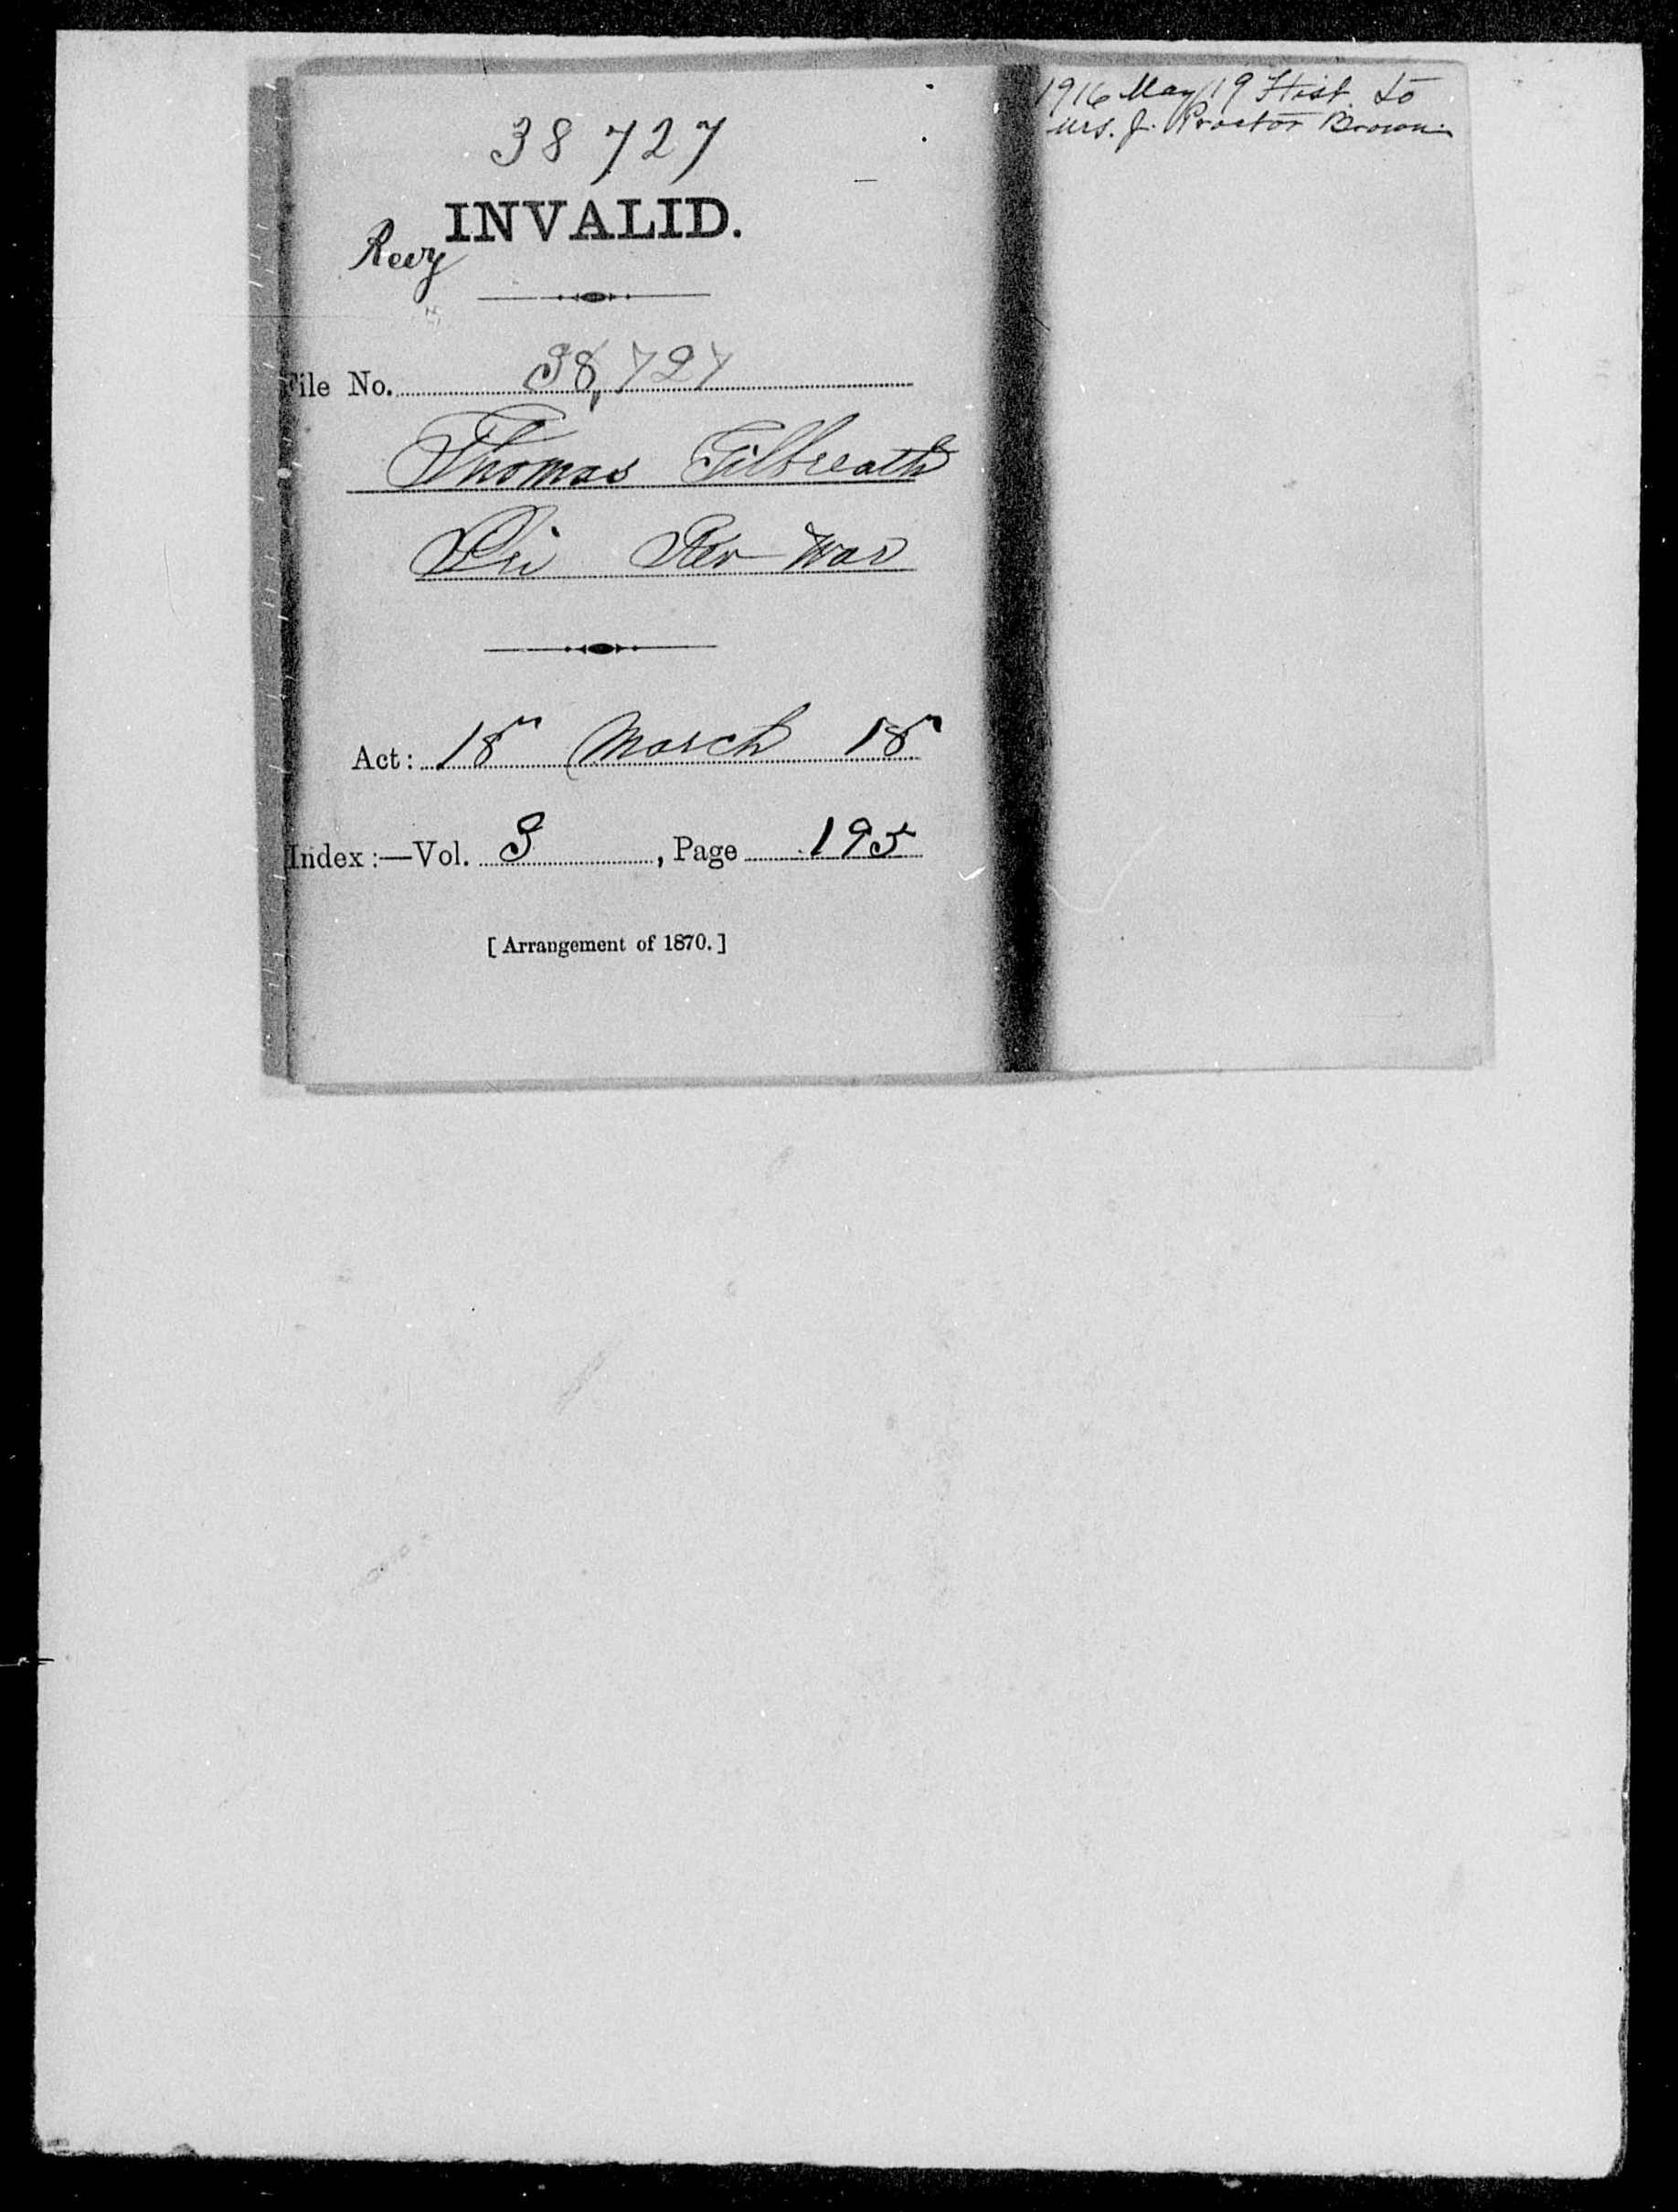Revy
38727
INVALID.
---
File No. 38,727
Thomas Gilbreath
Priv Rev War
---
Act: 18 March 18
Index: -- Vol. 3..., , Page 195

[Arrangement of 1870.]

1916 May 19 Hist to
Mrs. J. Proctor Brown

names: Thomas Gilbreath, J Proctor Brown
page: 13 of 24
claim: survivor's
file: S. 38727, Thomas Gilbreath, Penn.